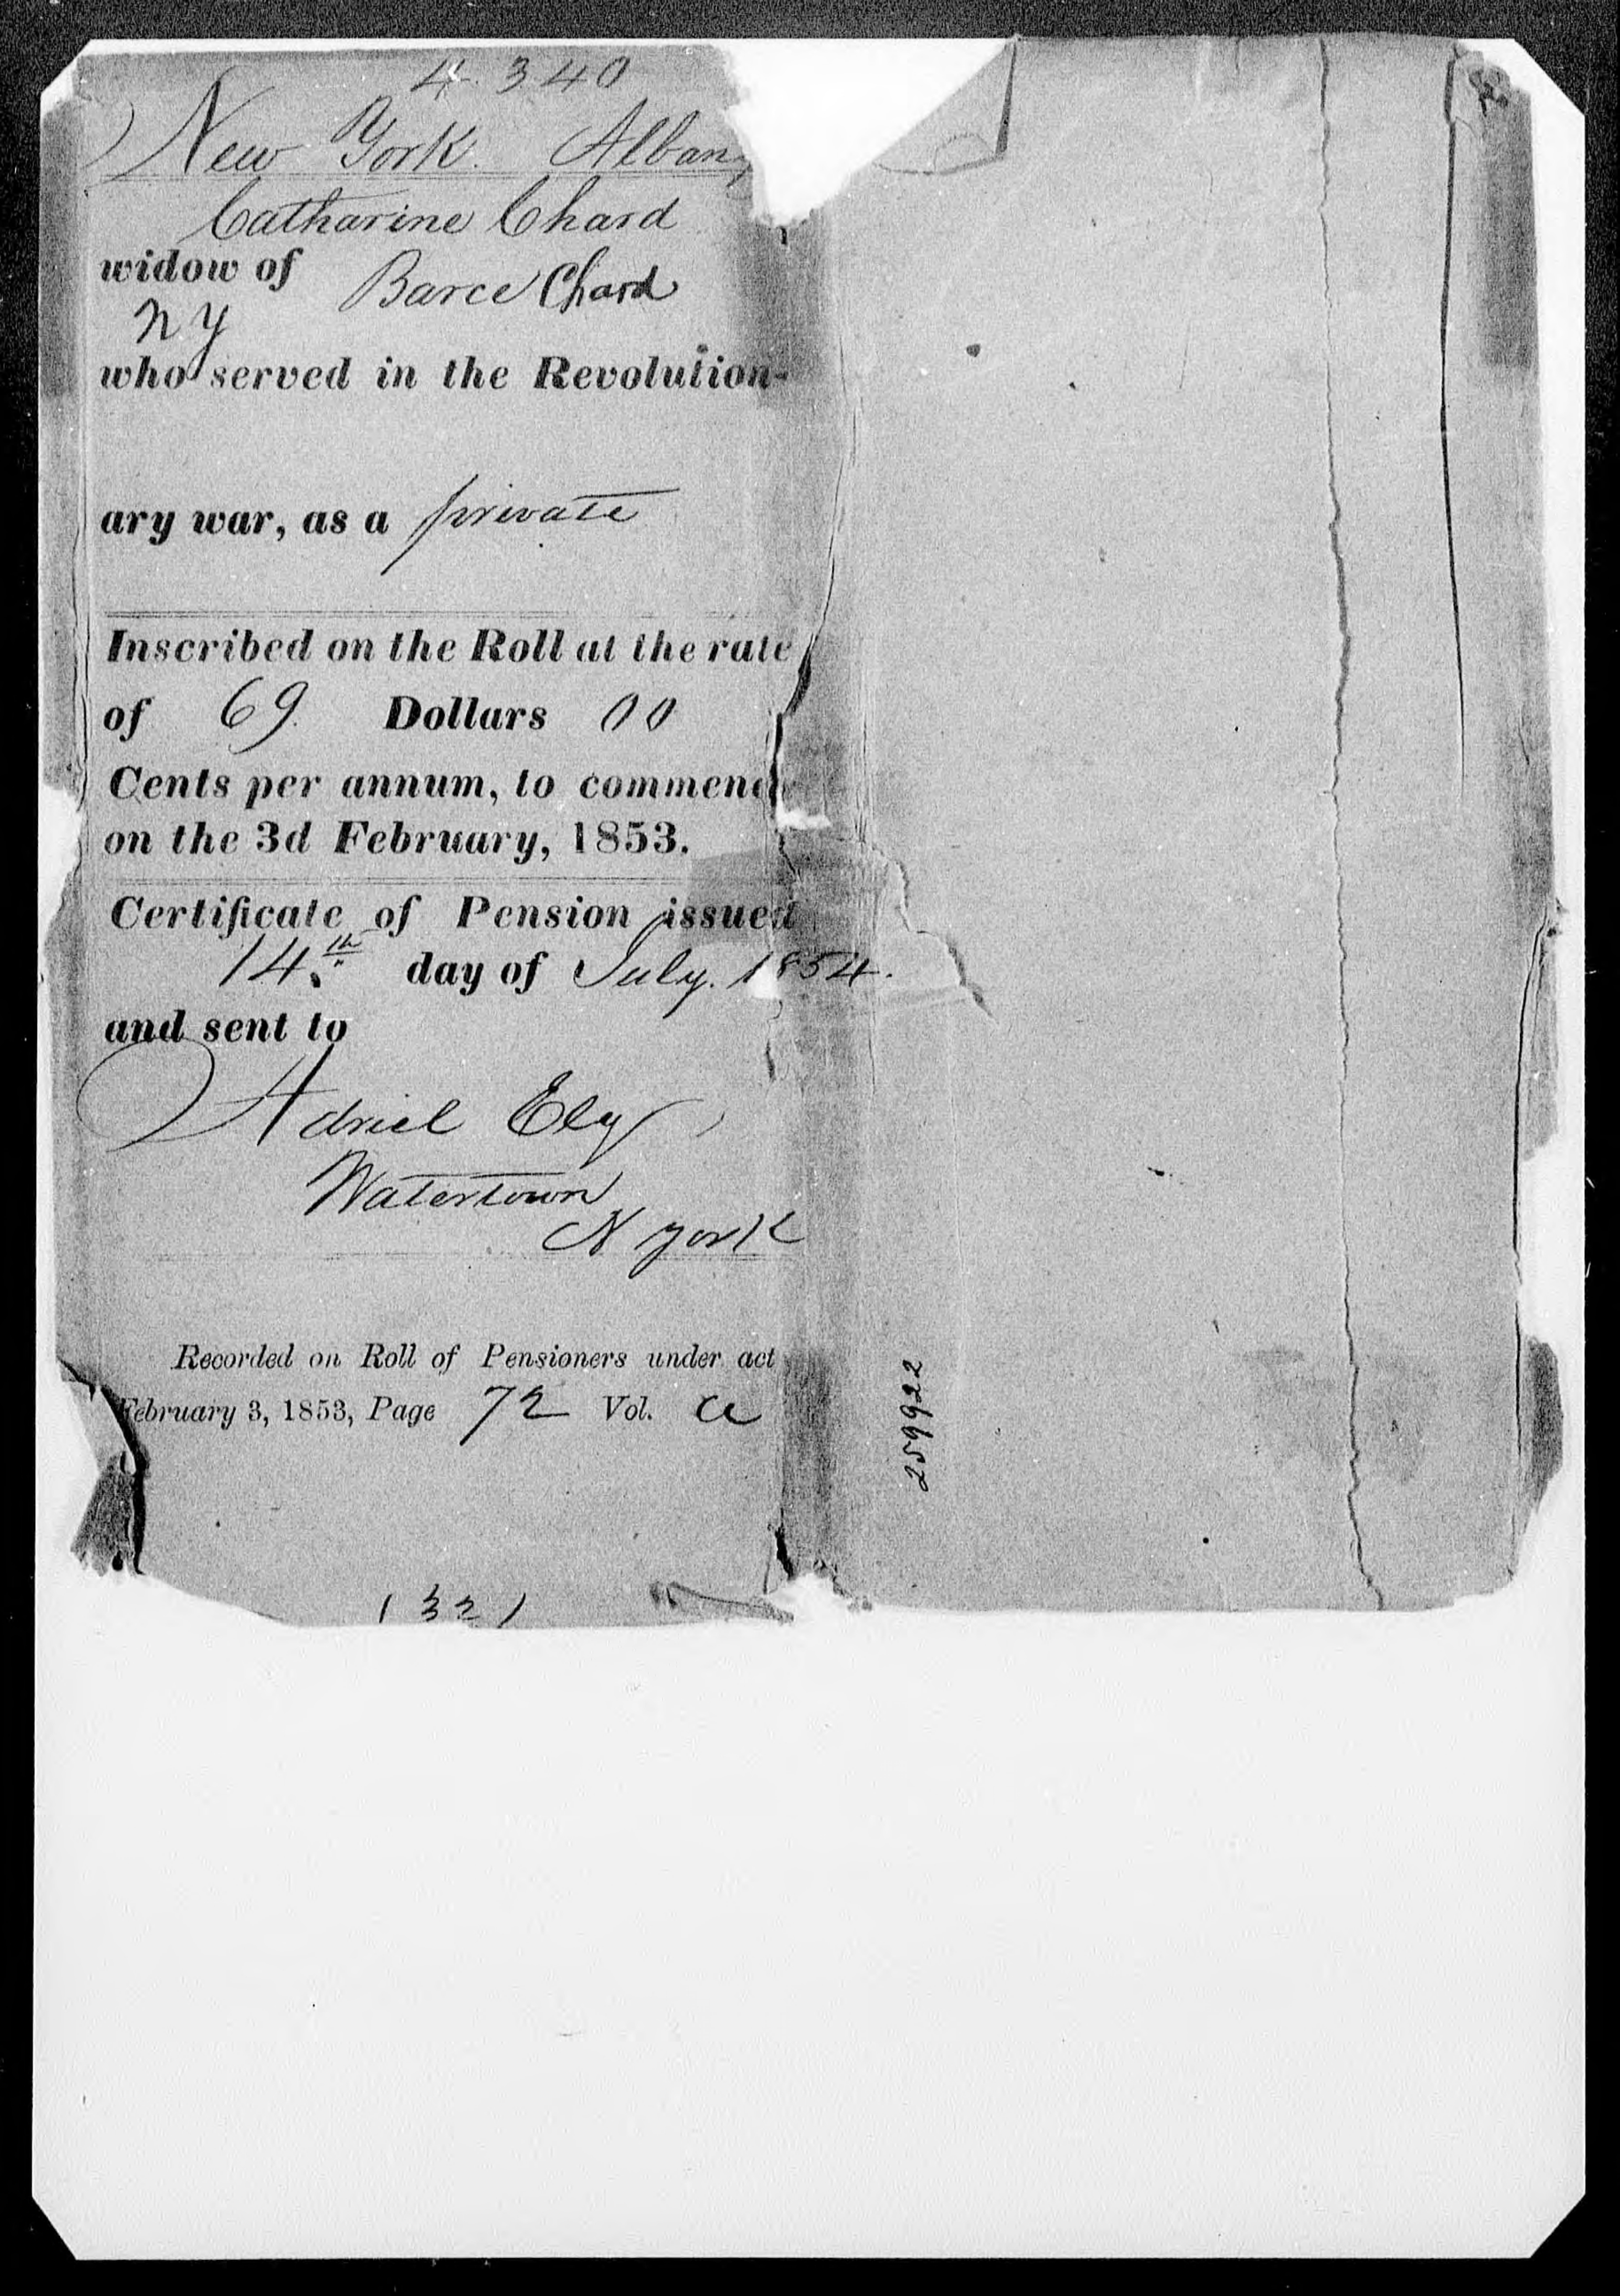4,340
New York Albany
Catharine Chard
widow of Barce Chard
NY
who served in the Revolutionary
war, as a private

Inscribed on the Roll at the rate
of 69 Dollars 00 Cents per annum,
to commence on the 3d February, 1853.

Certificate of Pension issued
14th day of July 1854
and sent to
Adriel Ely
Watertown N York

Recorded on Roll of Pensioners under act
February 3, 1853, Page 72 Vol. A [?]

1321

Crosswise: 259922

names: Adriel Ely, Barce Chard, Catharine Chard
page: 3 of 47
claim: widow's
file: W. 10,602, Barce Chard, New York.